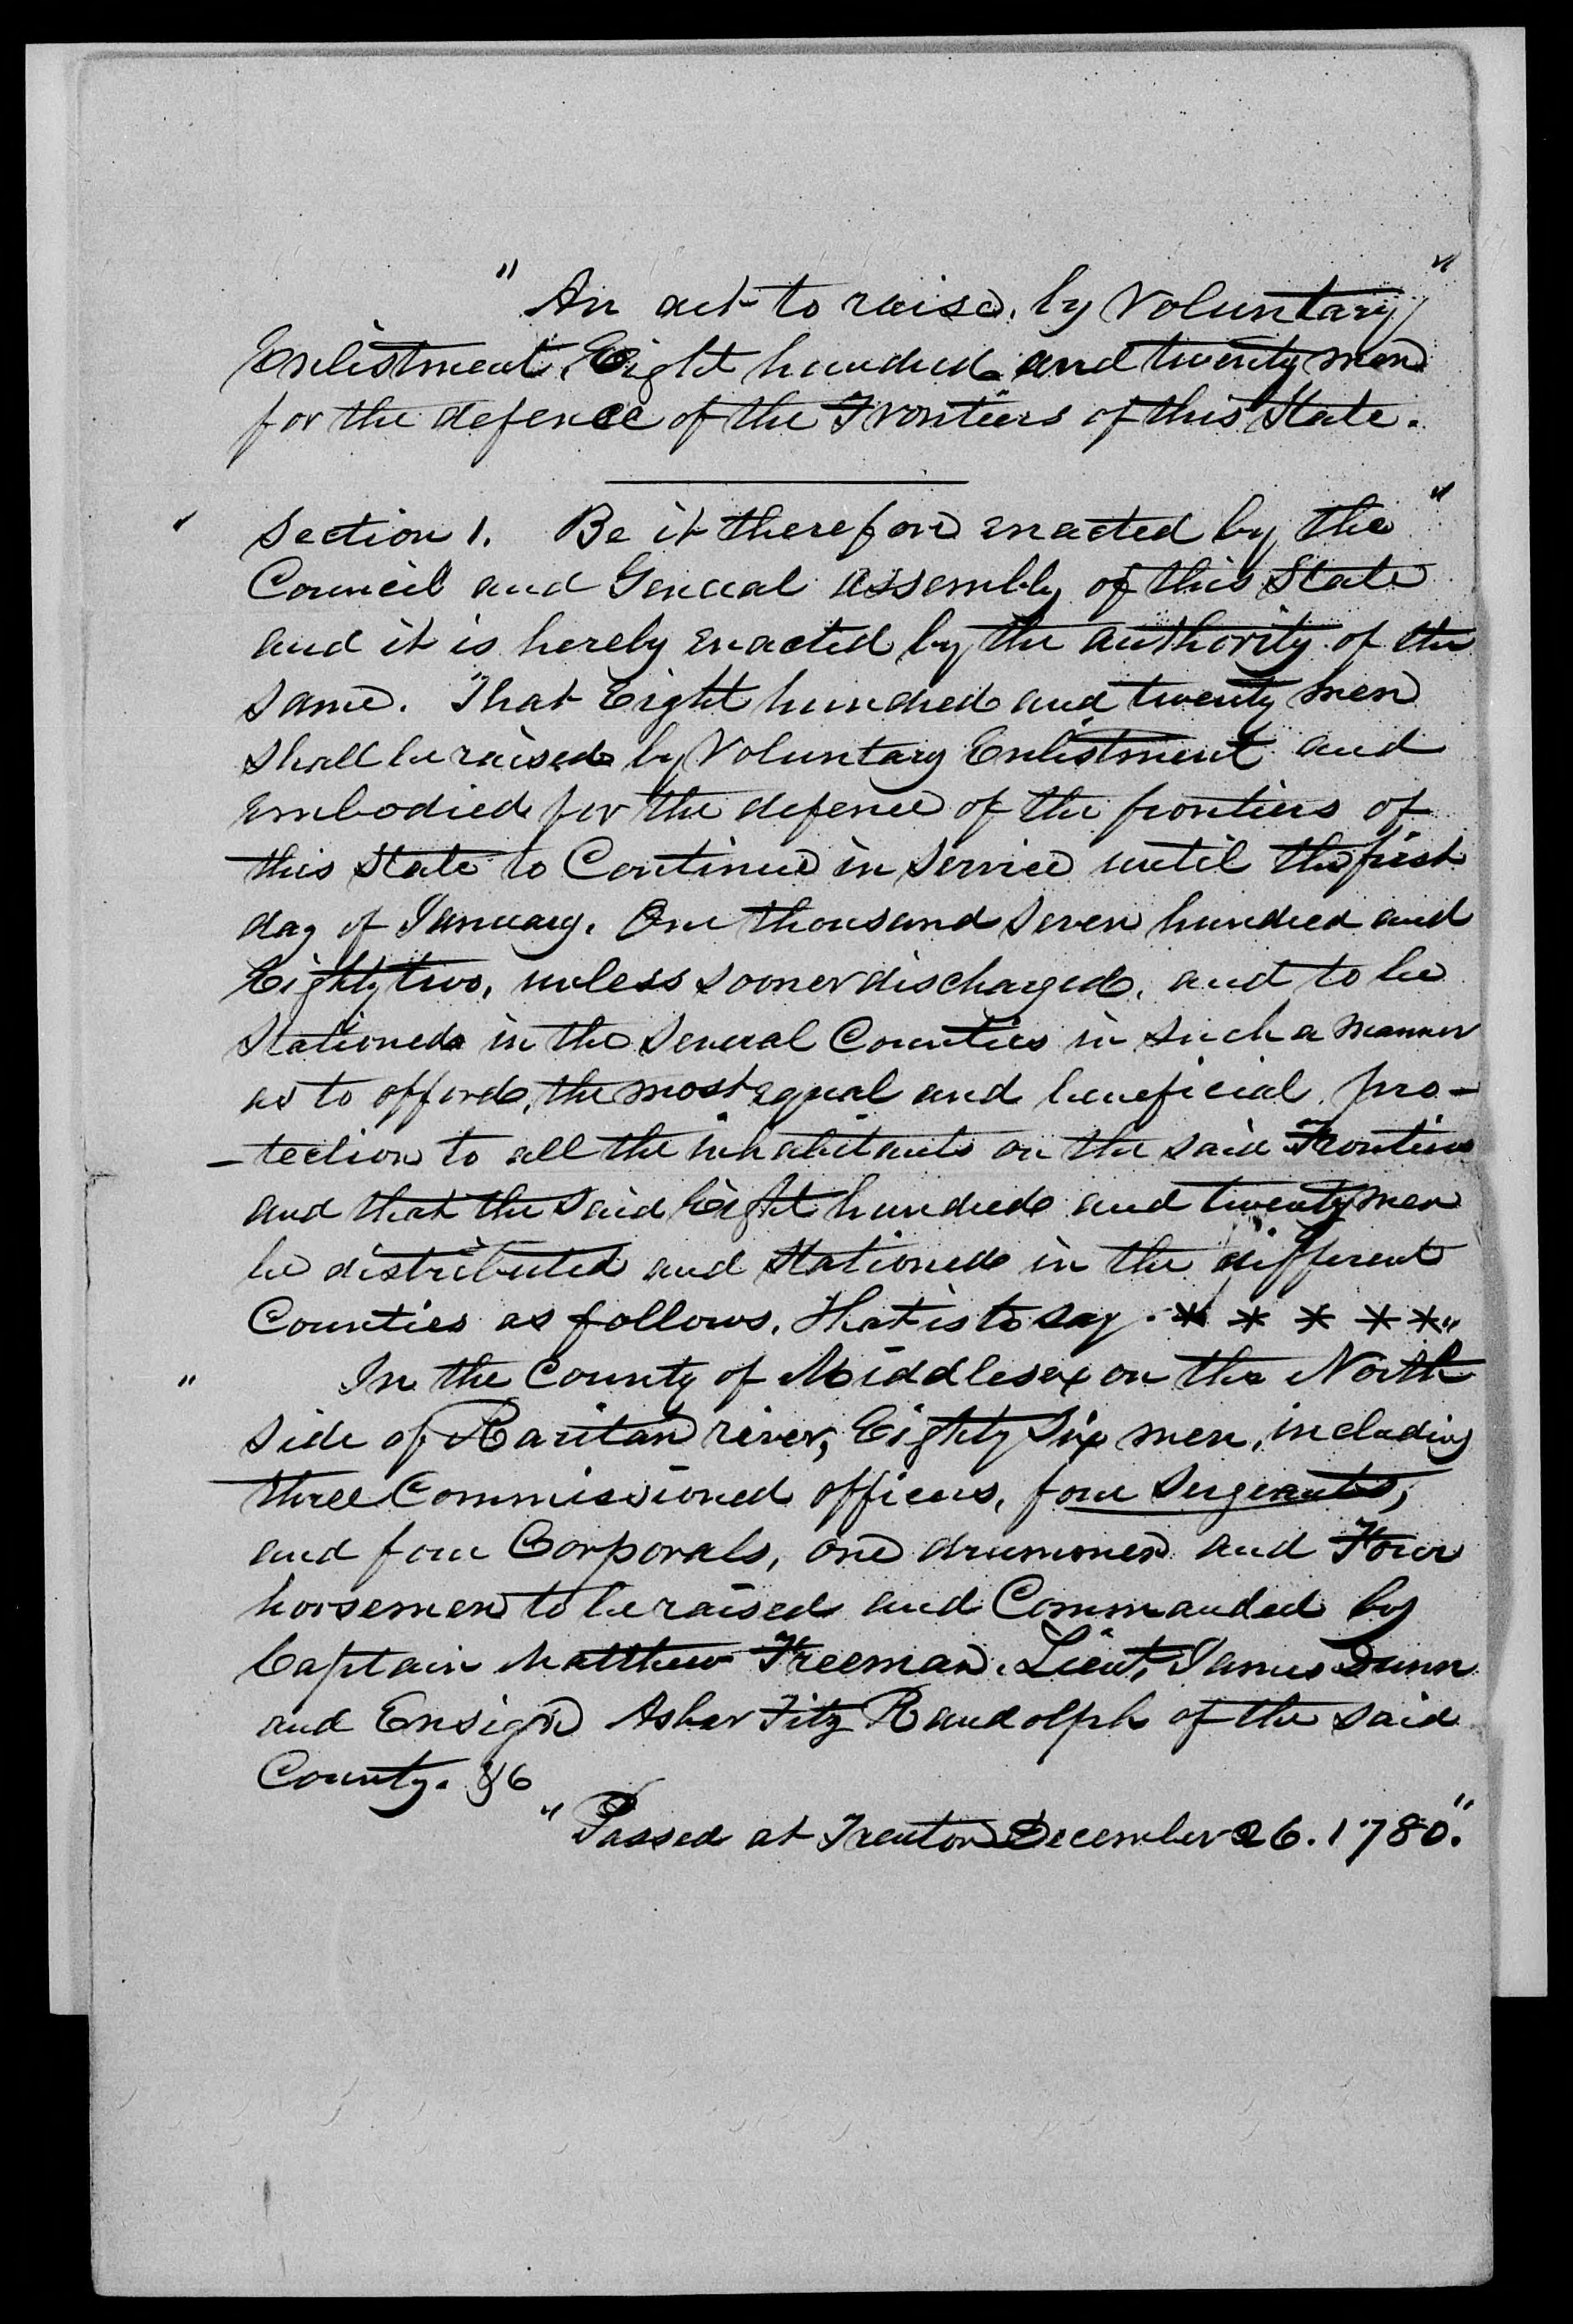"An act to raise by voluntary enlistment, eight hundred and twenty men for the defense of the frontiers of this State."

Section 1: Be it therefore enacted by the Council and General Assembly of this State and it is hereby enacted by the authority of the same, that eight hundred and twenty men shall be raised by voluntary enlistment and embodied for the defense of the frontiers of this State to continue in service until the first day of January, One Thousand Seven Hundred and Eighty two, unless sooner discharged, and to be stationed in the several Counties in such a manner as to afford the most equal and beneficial protection to all the inhabitants on the said frontiers and that the said eight hundred and twenty men
be distributed and stationed in the different Counties as follows. That is to say *****.

In the County of Middlesex on the north side of Raritan River, eighty six men, including three commissioned officers, four sergeants and four corporals, one drummer and for horsemen, to be raised and commanded by Captain Matthew Freeman, Lieut. James Dunn and Ensign Asher Fitz Randolph of the said County &c.

Passed at Trenton, December 26, 1780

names: James Dunn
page: 54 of 95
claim: survivor's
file: S 2889, for Levi Mundy, New Jersey